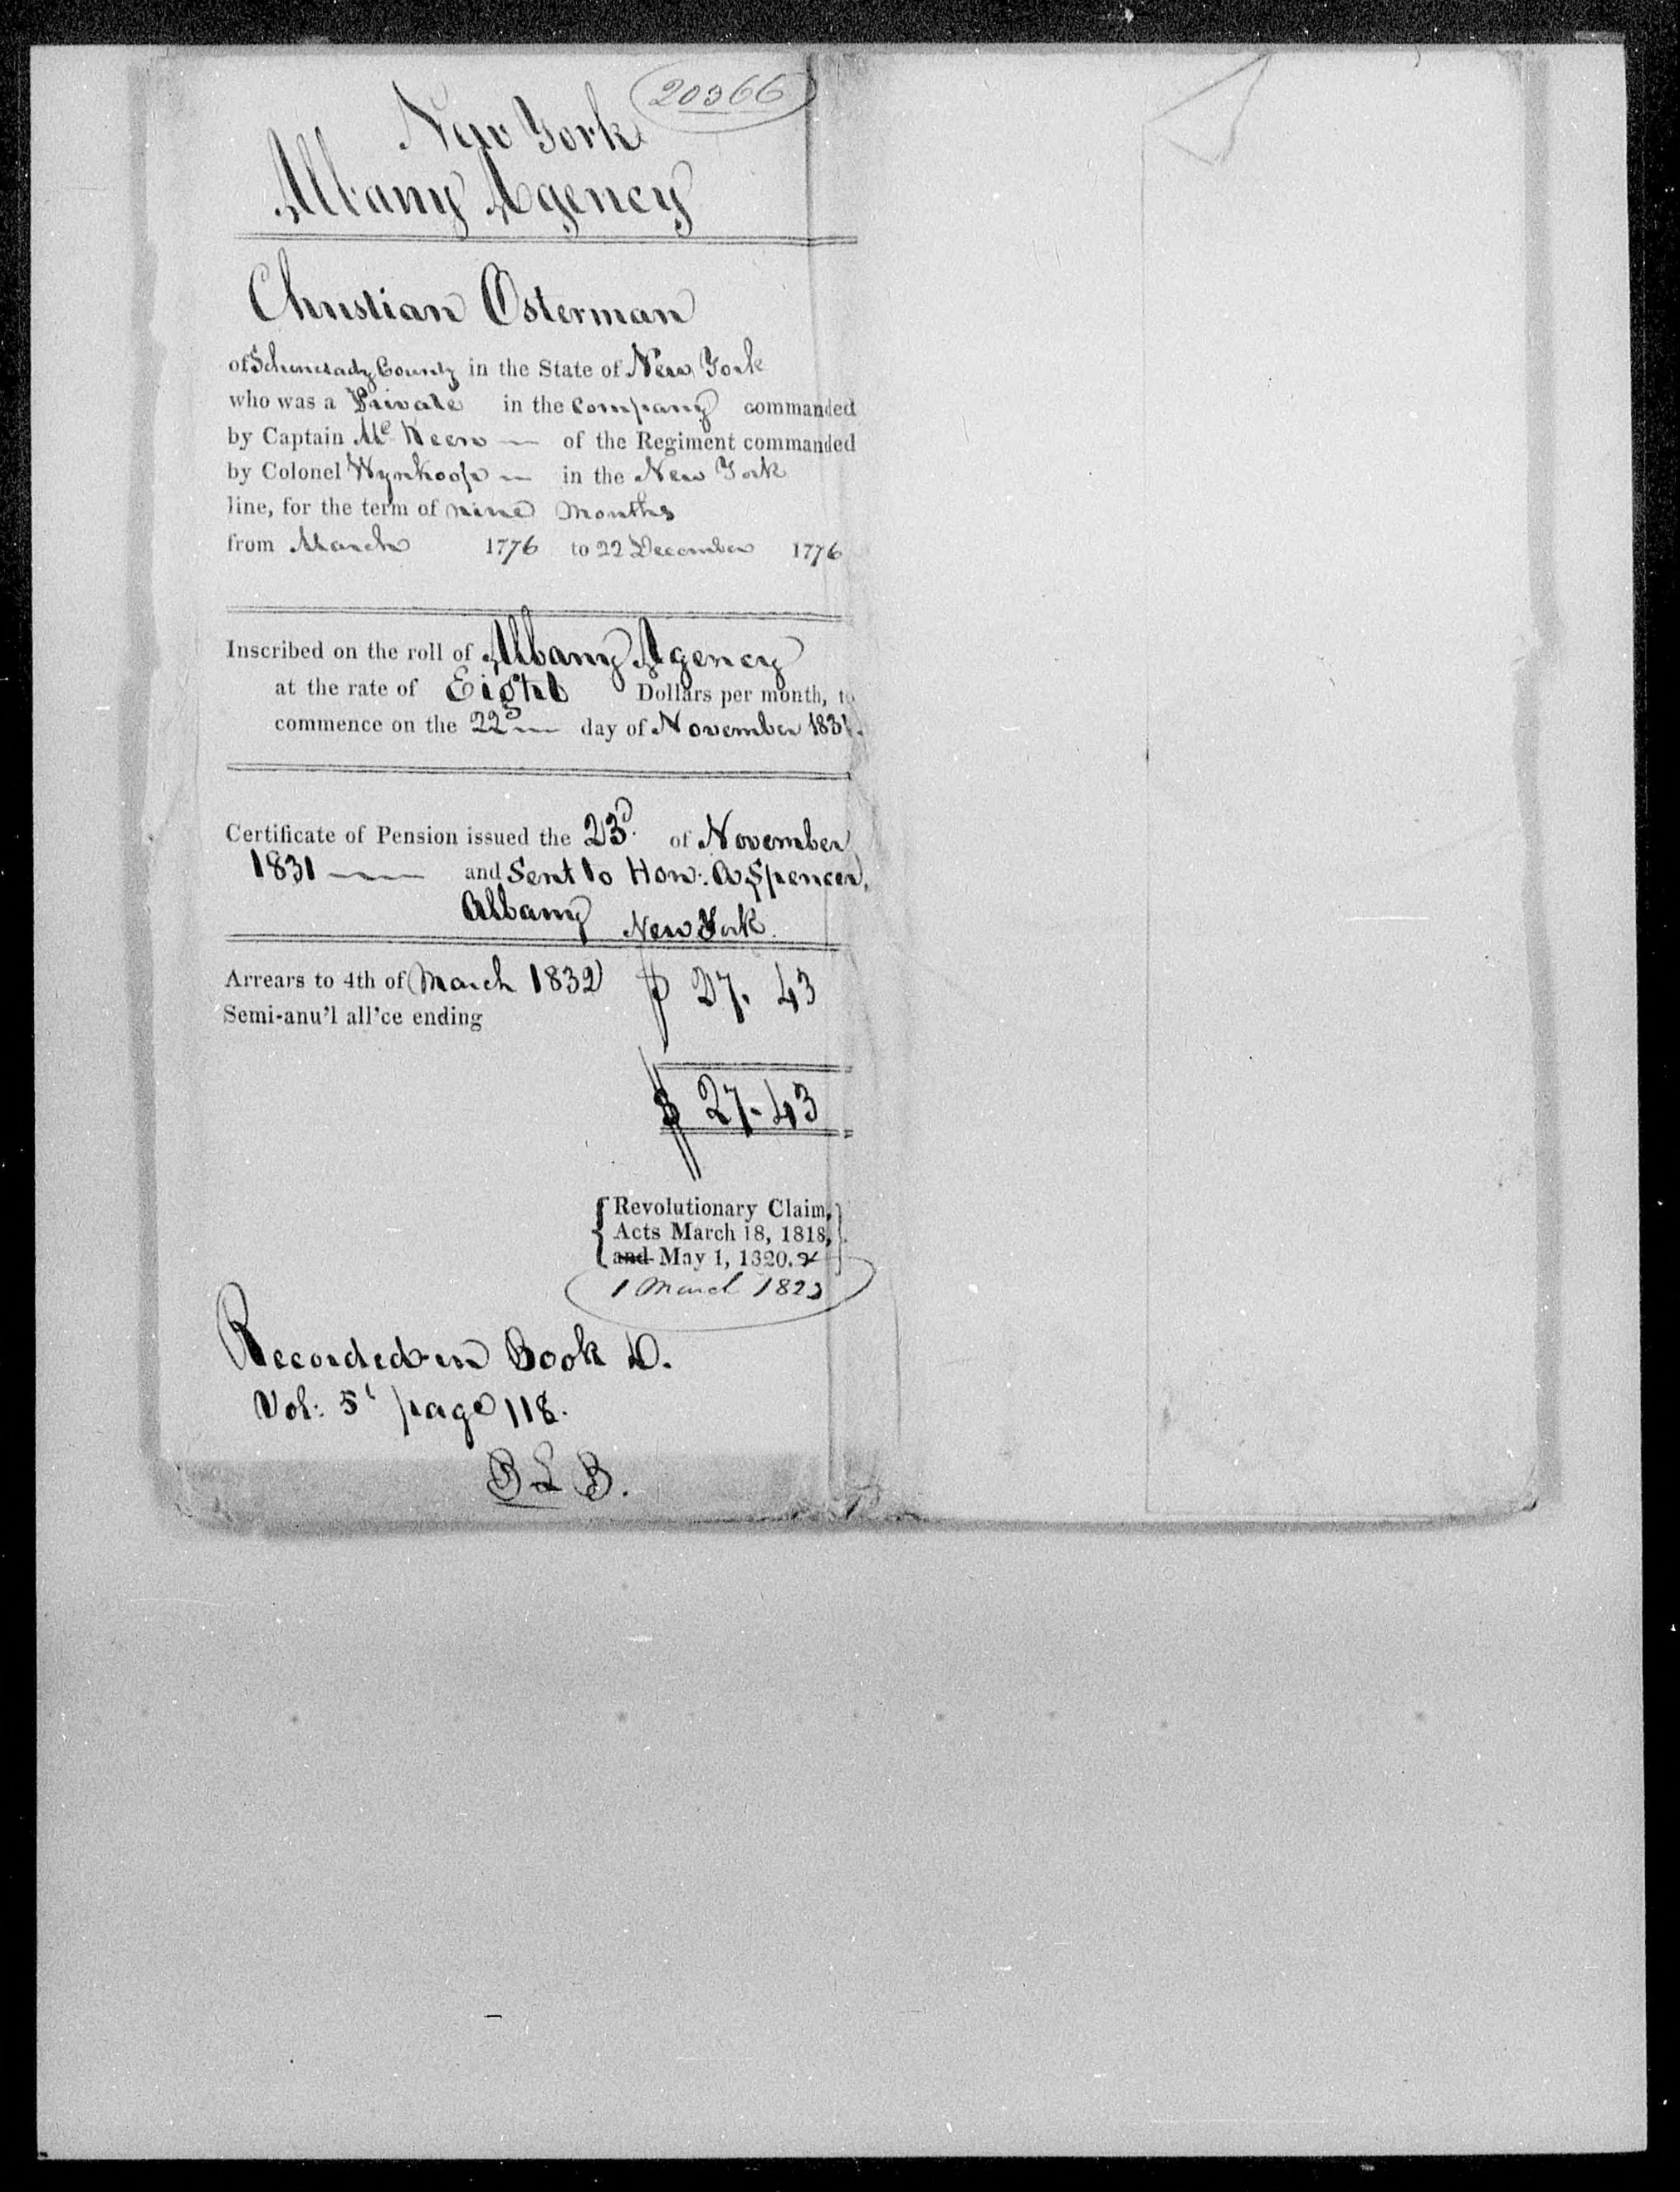20366

New York 
Albany Agency 

Christian Osterman 
of Schenectady County in the State of New York 
who was a Private in the company commanded by Captain McKeen of the Regiment commanded by Colonel Wynkoop in the New York line, for the  term of nine months from March 1776 to 22 December 1776

Inscribed on the roll of Albany Agency 
at the rate of Eight Dollars per month, to 
commence on the 22nd day of November 1831

Certificate of Pension issued the 23rd of November 1831 and sent to Hon. A Spencer
Albany New York 

Arrears to the 4th of March 1832 $27.43
Semi-anu'l all'ce ending 
$27.43

Recorded on Book D
Vol. 5 page 115
B.L.B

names: [BLANK] Mc Keen; A Spencer; [BLANK] Wynkoop; Christian Osterman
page: 2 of 40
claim: widow's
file: W. 21876, for Christian Osterman, New York